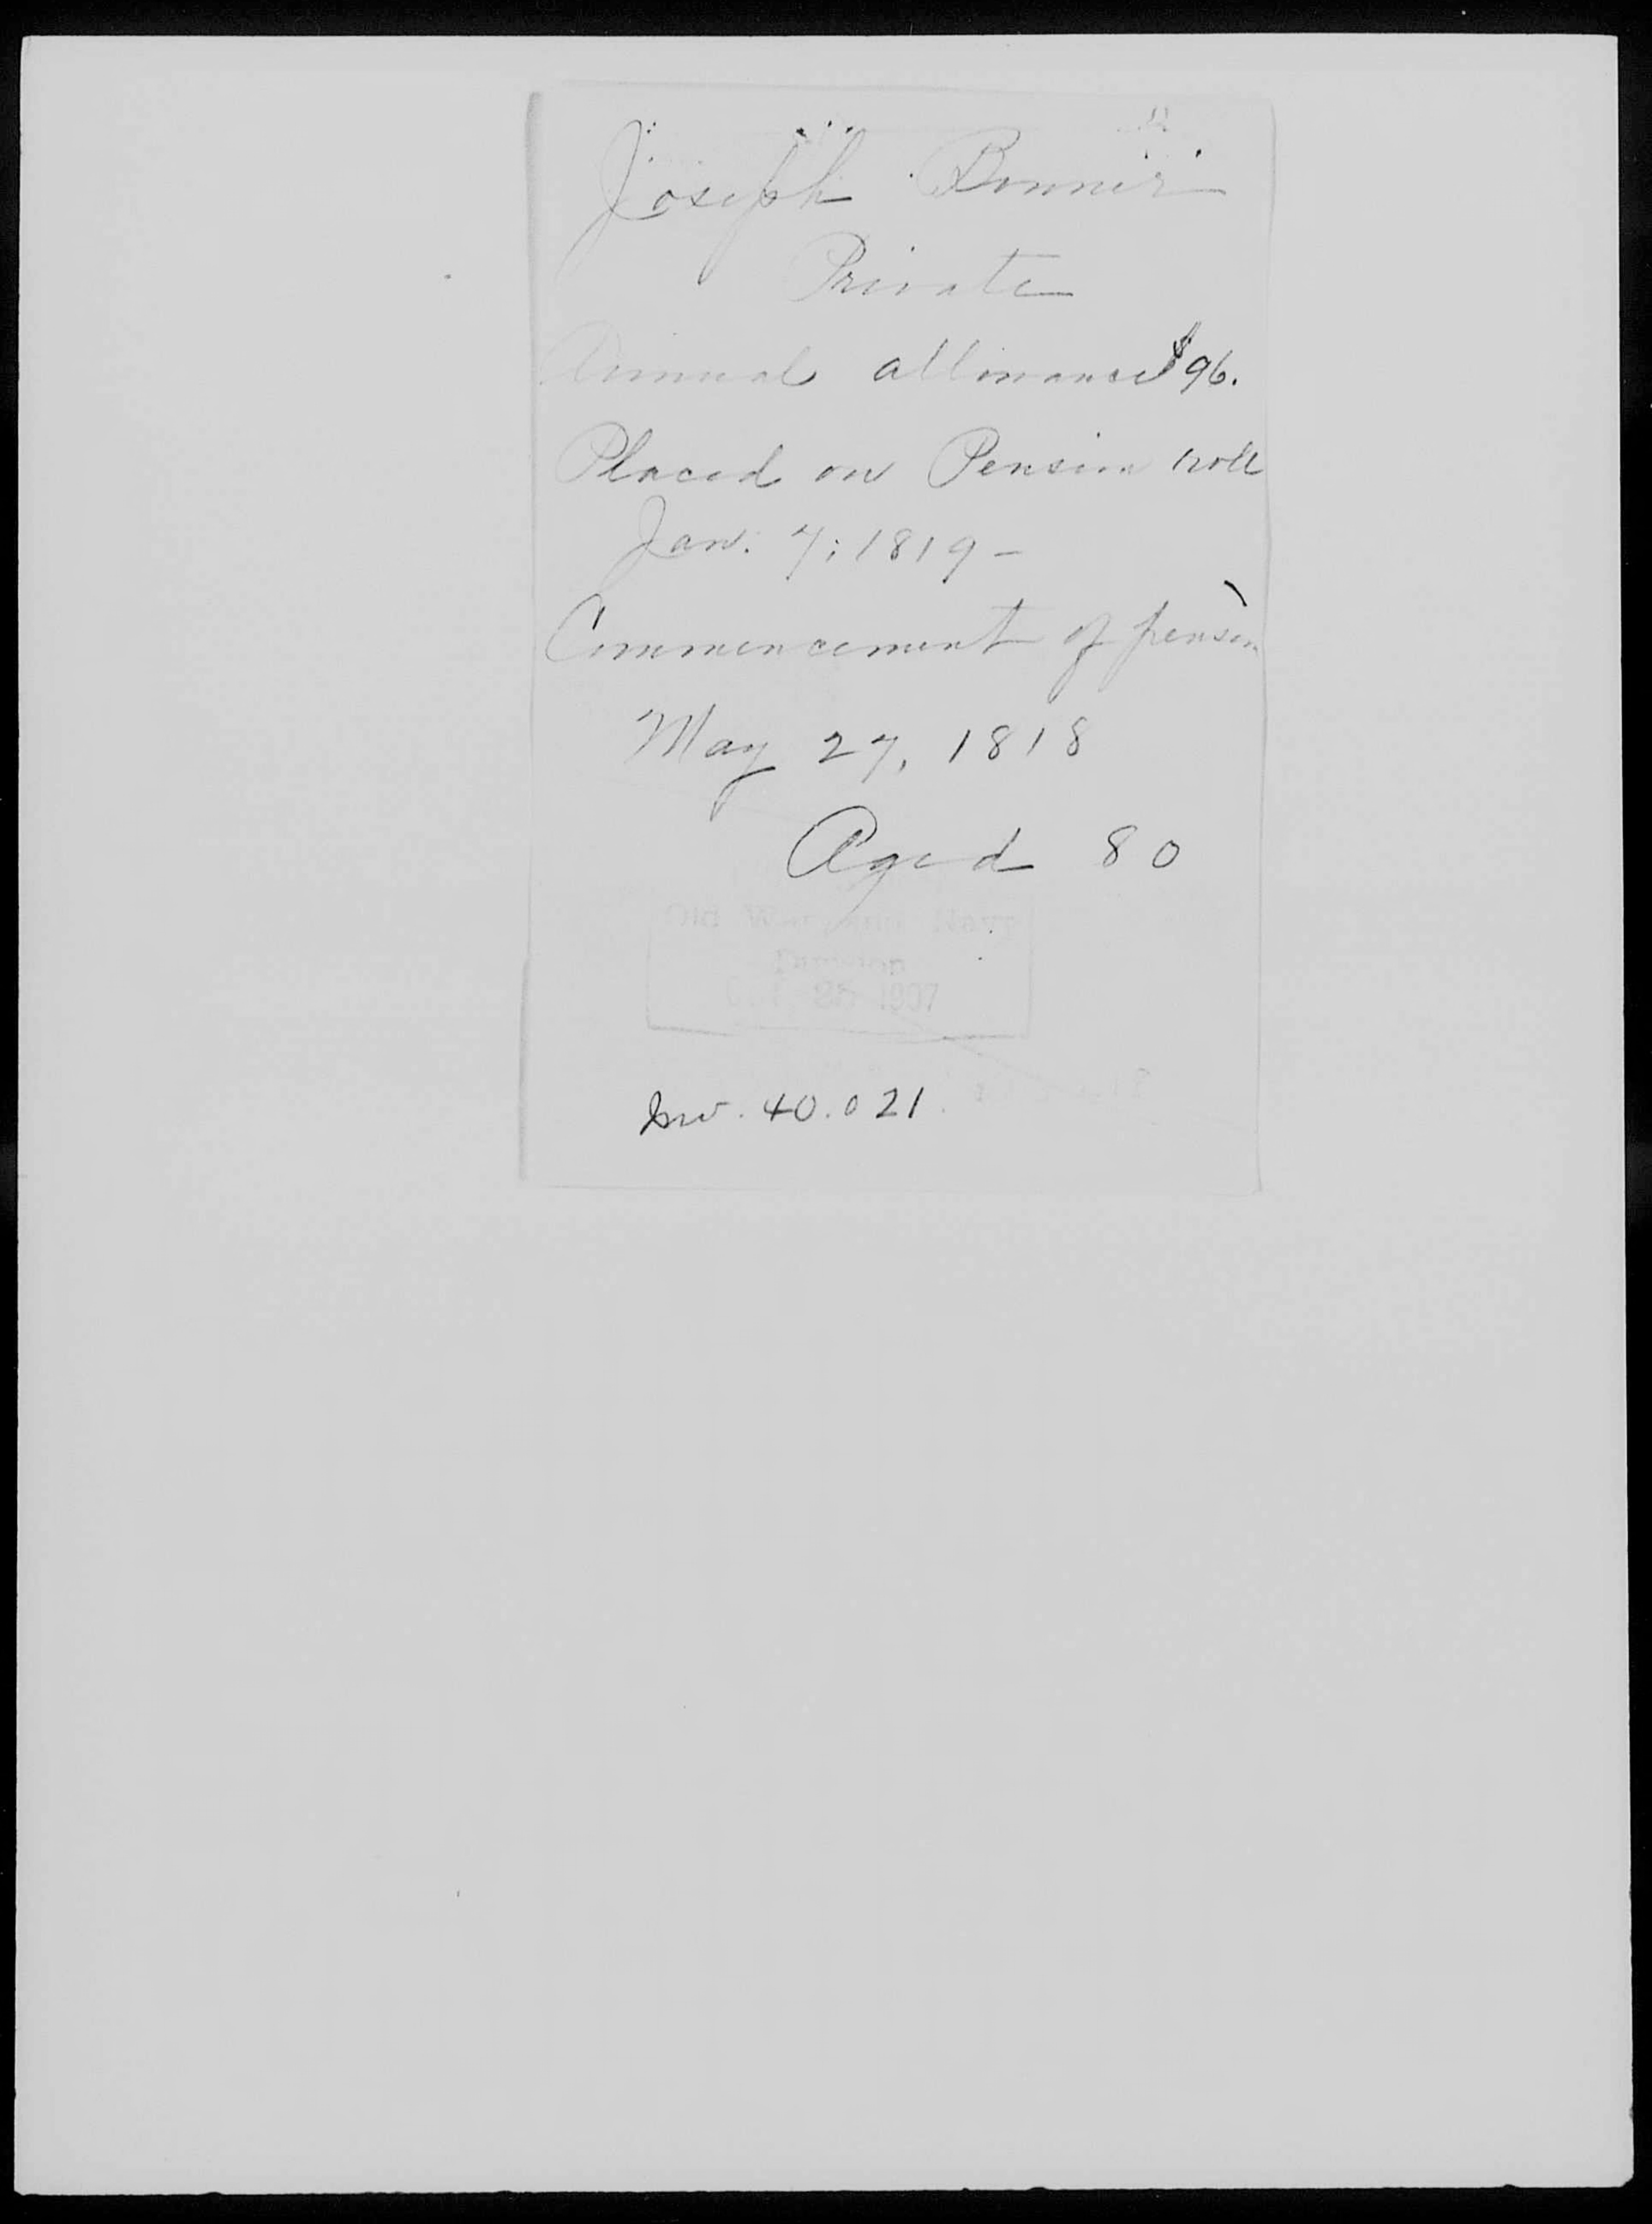Joseph Bonner
Private
Annual allotment $96.
Placed on Pension roll
Jan. 7; 1819-
Commencement of pension
May 27, 1818
Aged 80


JW 40.021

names: Joseph Bonner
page: 14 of 20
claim: survivor's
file: S. 40,021, Joseph Bonner, Penn.